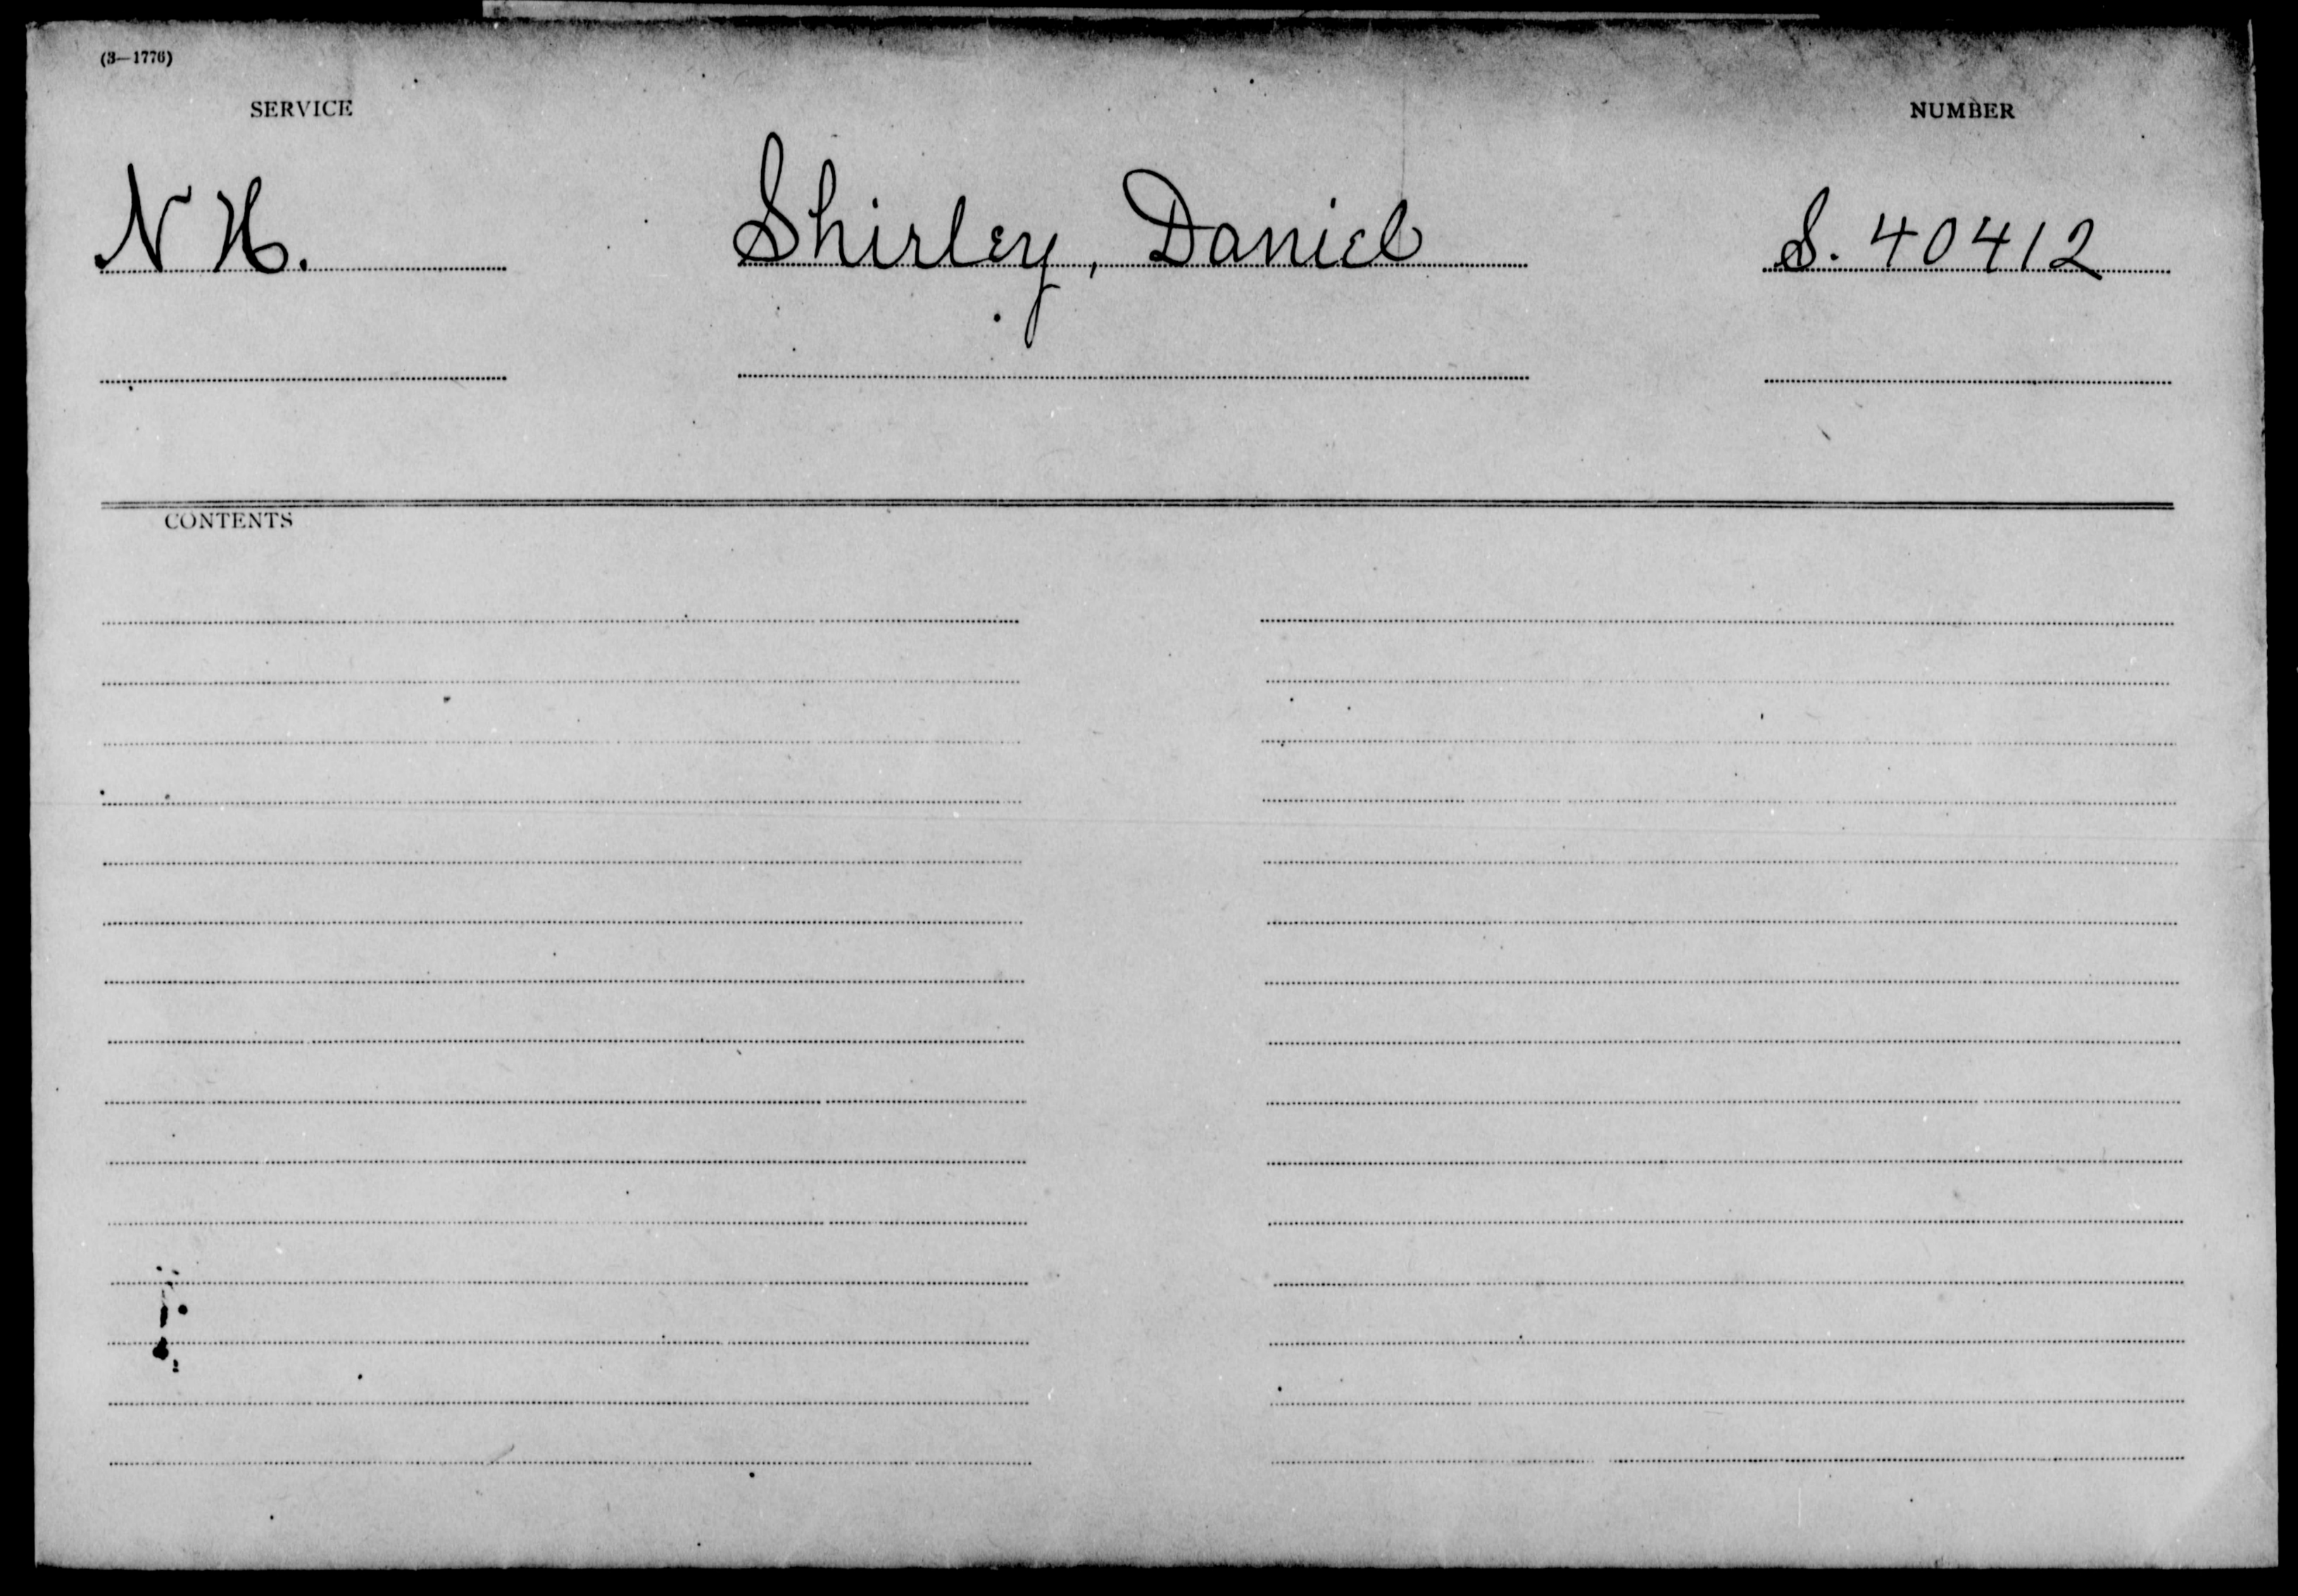(3-1776)

SERVICE
N.H.

Shirley, Daniel

NUMBER
S. 40412

CONTENTS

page: 1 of 20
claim: survivor's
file: S. 40412, for Daniel Shirley, New Hampshire